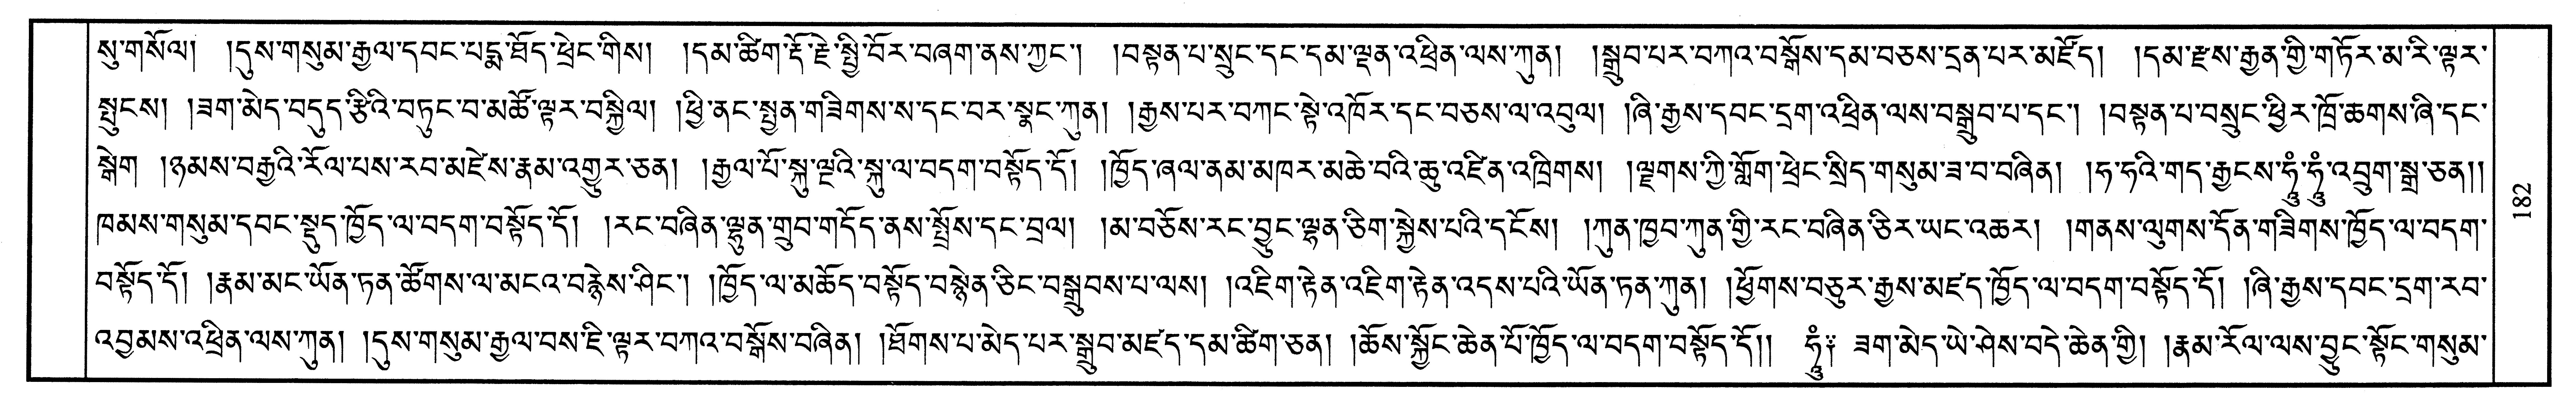སུ་གསོལ། །དུས་གསུམ་རྒྱལ་དབང་པདམ་ཐོད་ཕྲེང་གིས། །དམ་ཚིག་རྡོ་རྗེ་སྤྱི་བོར་བཞག་ནས་ཀྱང་། །བསྟན་པ་སྲུང་དང་དམ་ལྡན་འཕྲིན་ལས་ཀུན། །སྒྲུབ་པར་བཀའ་བསྒོས་དམ་བཅས་དྲན་པར་མཛོད། །དམ་རྫས་རྒྱན་གྱི་གཏོར་མ་རི་ལྟར་
སྤུངས། །ཟག་མེད་བདུད་རྩིའི་བཏུང་བ་མཚོ་ལྟར་བསྐྱིལ། །ཕྱི་ནང་སྤྱན་གཟིགས་ས་དང་བར་སྣང་ཀུན། །རྒྱས་པར་བཀང་སྟེ་འཁོར་དང་བཅས་ལ་འབུལ། །ཞི་རྒྱས་དབང་དྲག་འཕྲིན་ལས་བསྒྲུབ་པ་དང་། །བསྟན་པ་བསྲུང་ཕྱིར་ཁྲོ་ཆགས་ཞི་དང་
སྒེག །ཉམས་བརྒྱའི་རོལ་པས་རབ་མཛེས་རྣམ་འགྱུར་ཅན། །རྒྱལ་པོ་སྐུ་ལྔའི་སྐུ་ལ་བདག་བསྟོད་དོ། །ཁྱོད་ཞལ་ནམ་མཁར་མཆེ་བའི་ཆུ་འཛིན་འཁྲིགས། །ལྗགས་ཀྱི་གློག་ཕྲེང་སྲིད་གསུམ་ཟ་བ་བཞིན། །ཧ་ཧའི་གད་རྒྱངས་ཧཱུཾ་ཧཱུཾ་འབྲུག་སྒྲ་ཅན།།
ཁམས་གསུམ་དབང་སྡུད་ཁྱོད་ལ་བདག་བསྟོད་དོ། །རང་བཞིན་ལྷུན་གྲུབ་གདོད་ནས་སྤྲོས་དང་བྲལ། །མ་བཅོས་རང་བྱུང་ལྷན་ཅིག་སྐྱེས་པའི་དངོས། །ཀུན་ཁྱབ་ཀུན་གྱི་རང་བཞིན་ཅིར་ཡང་འཆར། །གནས་ལུགས་དོན་གཟིགས་ཁྱོད་ལ་བདག་
བསྟོད་དོ། །རྣམ་མང་ཡོན་ཏན་ཚོགས་ལ་མངའ་བརྙེས་ཤིང་། །ཁྱོད་ལ་མཆོད་བསྟོད་བསྙེན་ཅིང་བསྒྲུབས་པ་ལས། །འཇིག་རྟེན་འཇིག་རྟེན་འདས་པའི་ཡོན་ཏན་ཀུན། །ཕྱོགས་བཅུར་རྒྱས་མཛད་ཁྱོད་ལ་བདག་བསྟོད་དོ། །ཞི་རྒྱས་དབང་དྲག་རབ་
འབྱམས་འཕྲིན་ལས་ཀུན། །དུས་གསུམ་རྒྱལ་བས་ཇི་ལྟར་བཀའ་བསྒོས་བཞིན། །ཐོགས་པ་མེད་པར་སྒྲུབ་མཛད་དམ་ཚིག་ཅན། །ཆོས་སྐྱོང་ཆེན་པོ་ཁྱོད་ལ་བདག་བསྟོད་དོ།། ཧཱུཾ༑ ཟག་མེད་ཡེ་ཤེས་བདེ་ཆེན་གྱི། །རྣམ་རོལ་ལས་བྱུང་སྟོང་གསུམ་